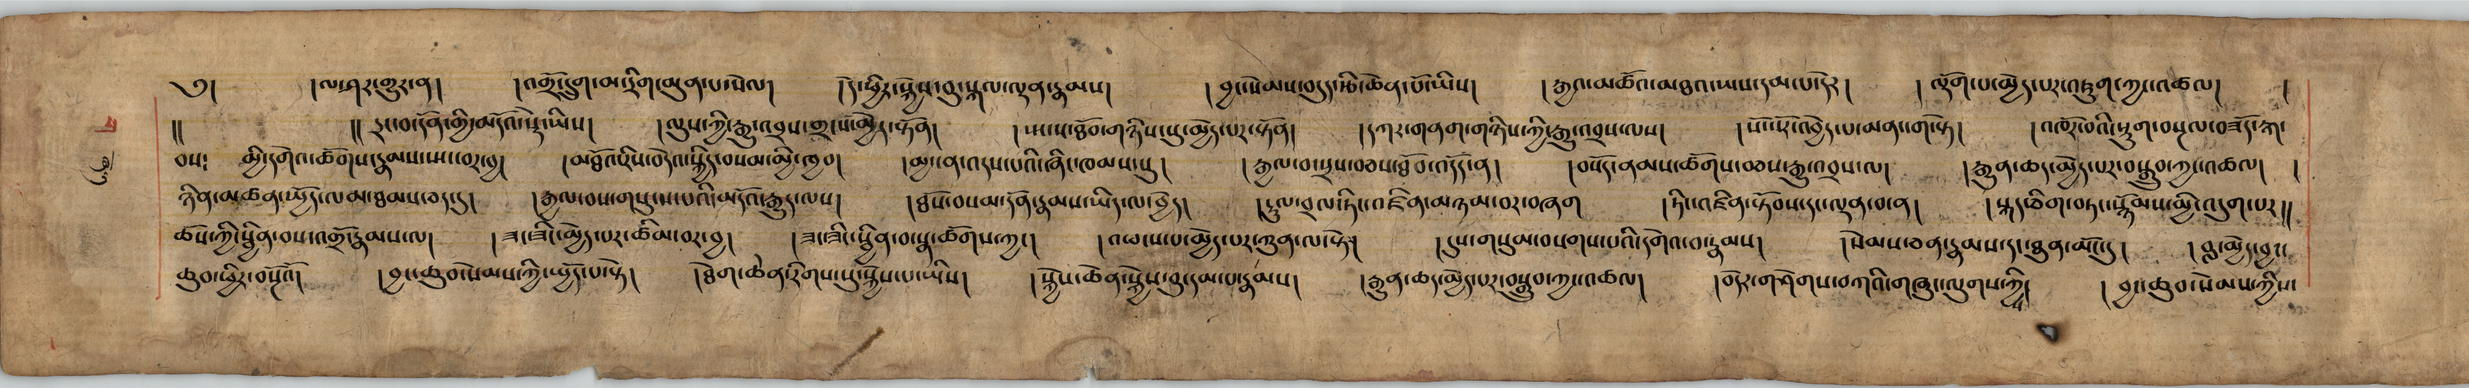༅། །ལ་ཤར་གྱུར་ན། །འགྲོ་དྲུག་མ་རིག་མུན་པ་སེལ། །དེ་ཕྱིར་སྐྱེས་བུ་སྐལ་ལྡན་རྣམས། །བྱང་སེམས་བདུད་རྩི་ཆེན་པོ་ཡིས། །རྒྱའ་མཚོའ་མཐའ་ཡས་དམ་པ་དེར། །ལྡོག་པ་མྱེད་པར་འཇུག་ཀྱང་འཚལ།
།། དྲང་བ་དོན་གྱི་མདོའ་སྡེ་ཡིས། །ལུས་ཀྱི་རྒྱུ་འབྲས་གྲངས་མྱེད་སྟོན། །ཡངས་ཐོབ་གཉིས་སུ་མྱེད་པར་སྟོན། །དཀར་གནག་གཉིས་ཀྱི་རྒྱུ་འབྲས་ལས། །སོ་སོར་འབྱེད་པ་མན་ངག་སྟེ། །འཁོར་བའི་སྡུག་བསྔལ་བཟོད་རྐ་
བས༴ མྱི་དགེའ་ཚོགས་རྣམས་ཡང་བར་བྱ། །མཐོའ་རིས་བདེའ་སྐྱིད་བསམ་མྱི་ཁྱབ། །མྱ་ངན་འདས་པའི་ཞིང་ཁམས་སུ། །རྒྱལ་བ་སྲས་བཅས་ཐོབ་འདོད་ན། །བསོད་ནམས་ཚོགས་བཅས་རྒྱུ་འབྲས་ལ། །རྒྱུན་ཆད་མྱེད་པར་བསྒྲུབ་ཀྱང་འཚལ།
ཉིན་མཚན་སྤྱོད་ལམ་ཐམས་ཅད་དུ། །རྒྱལ་བས་གསུངས་པའི་མདོའ་རྒྱུད་ལས། །ཐོས་བསམ་དོན་རྣམས་ཡིད་ལ་བྱེད། །རྡུལ་བྲལ་ཏིང་འཛིན་མཉམ་བར་བཞག །ཏིང་འཛིན་སྟོབས་དང་ལྡན་བ་ན། །སྐད་ཅིག་བཏང་སྙོམས་མྱི་འདུག་པར།།
ཆོས་ཀྱི་སྦྱིན་བས་འགྲོ་རྣམས་ལ། །ཟང་ཟིང་མྱེད་པར་ཚིམ་བར་བྱ། །ཟང་ཟིང་སྦྱིན་བ་སྣ་ཚོགས་ཀྱང། །འཕངས་པ་མྱེད་པར་ཀུན་ལ་སྟེ། །དུས་གསུམ་བསགས་པའི་དགེའ་བ་རྣམས། །སེམས་ཅན་རྣམས་དང་ཐུན་མོང་དུ། །བླ་མྱེད་བྱང་
ཆུབ་ཕྱིར་བསྔོའོ། །བྱང་ཆུབ་སེམས་ཀྱི་སྤྱོད་པ་སྟེ། །ཐེག་ཆེན་རིགས་སུ་སྐྱེས་པ་ཡིས། །སྐྱེས་ཆེན་སྐྱེས་བུ་དམ་པ་རྣམས། །རྒྱུན་ཆད་མྱེད་པར་བསྒྲུབ་ཀྱང་འཚལ། །བདེར་གཤེགས་བཀའི་གཞུང་ལུགས་ཀྱི། །བྱང་ཆུབ་སེམས་ཀྱིས་